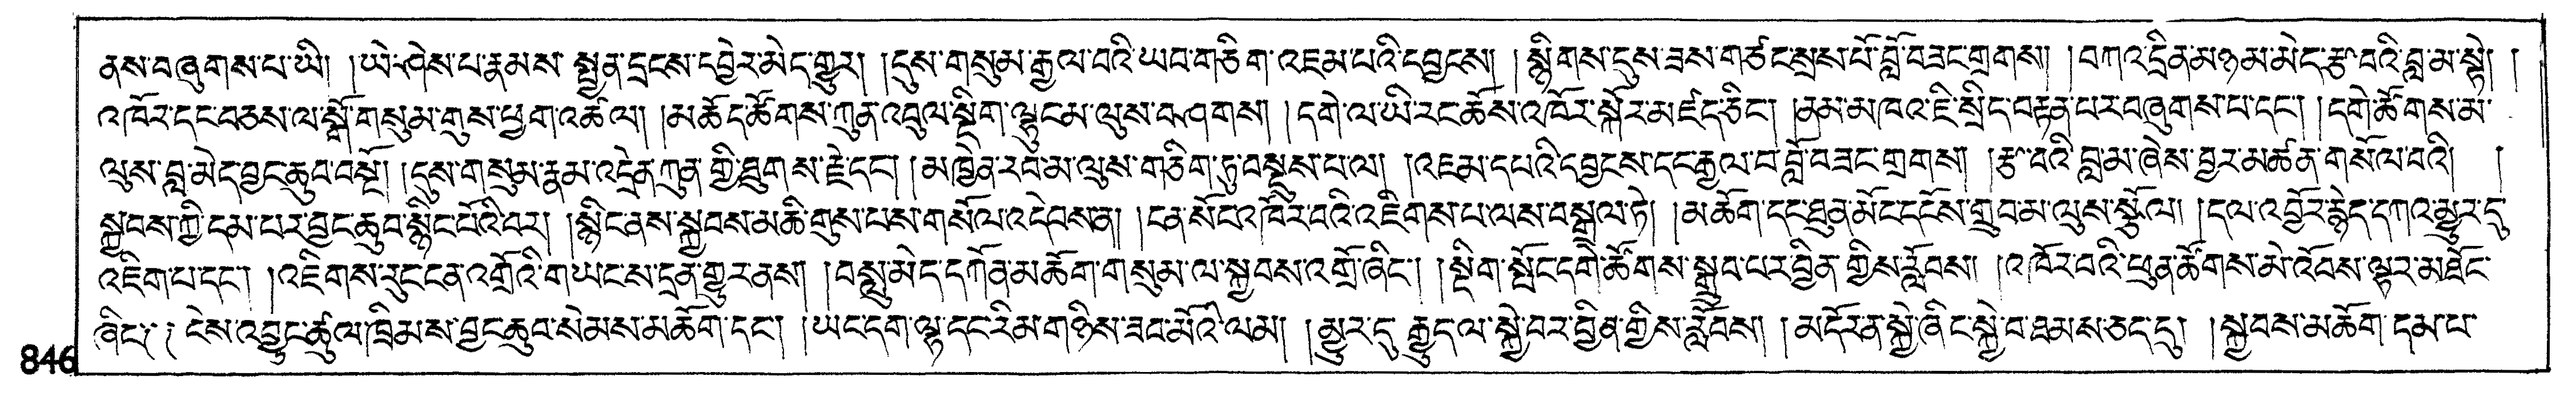ནས་བཞུགས་པ་ཡི། །ཡེ་ཤེས་པ་རྣམས་སྤྱན་དྲངས་དབྱེར་མེད་གྱུར། །དུས་གསུམ་རྒྱལ་བའི་ཡབ་གཅིག་འཇམ་པའི་དབྱངས། །སྙིགས་དུས་ཟས་གཙང་སྲས་པོ་བློ་བཟང་གྲགས། །བཀའ་དྲིན་མཉམ་མེད་རྩ་བའི་བླ་མ་སྟེ། །
འཁོར་དང་བཅས་ལ་སྒོ་གསུམ་གུས་ཕྱག་འཚལ། །མཆོད་ཚོགས་ཀུན་འབུལ་སྡིག་ལྟུང་མ་ལུས་བཤགས། །དགེ་ལ་ཡི་རང་ཆོས་འཁོར་སྐོར་མཛད་ཅིང་། །ནམ་མཁའ་ཇི་སྲིད་བརྟན་པར་བཞུགས་པ་དང་། །དགེ་ཚོགས་མ་
ལུས་བླ་མེད་བྱང་ཆུབ་བསྔོ། །དུས་གསུམ་རྣམ་འདྲེན་ཀུན་གྱི་ཐུགས་རྗེ་དང་། །མཁྱེན་རབ་མ་ལུས་གཅིག་ཏུ་བསྡུས་པ་ལ། །འཇམ་དཔའི་དབྱངས་དང་རྒྱལ་བ་བློ་བཟང་གྲགས། །རྩ་བའི་བླ་མ་ཞེས་བྱར་མཚན་གསོལ་བའི། །
སྐྱབས་ཀྱི་དམ་པར་བྱང་ཆུབ་སྙིང་པོའི་བར། །སྙིང་ནས་སྐྱབས་མཆི་གུས་པས་གསོལ་འདེབས་ན། །ངན་སོང་འཁོར་བའི་འཇིགས་པ་ལས་བསྒྲལ་ཏེ། །མཆོག་དང་ཐུན་མོང་དངོས་གྲུབ་མ་ལུས་སྩོལ། །དལ་འབྱོར་རྙེད་དཀའ་མྱུར་དུ་
འཇིག་པ་དང་། །འཇིགས་རུང་ངན་འགྲོའི་གཡང་ས་དྲན་གྱུར་ནས། །བསླུ་མེད་དཀོན་མཆོག་གསུམ་ལ་སྐྱབས་འགྲོ་ཞིང་། །སྡིག་སྤོང་དགེ་ཚོགས་སྒྲུབ་པར་བྱིན་གྱིས་རློབས། །འཁོར་བའི་ཕུན་ཚོགས་མེ་འོབས་ལྟར་མཐོང་
ཞིང་། །ངེས་འབྱུང་ཚུལ་ཁྲིམས་བྱང་ཆུབ་སེམས་མཆོག་དང་། །ཡང་དག་ལྟ་དང་རིམ་གཉིས་ཟབ་མོའི་ལམ། །མྱུར་དུ་རྒྱུད་ལ་སྐྱེ་བར་བྱིན་གྱིས་རློབས། །མདོར་ན་སྐྱེ་ཞིང་སྐྱེ་བ་ཐམས་ཅད་དུ། །སྐྱབས་མཆོག་དམ་པ་